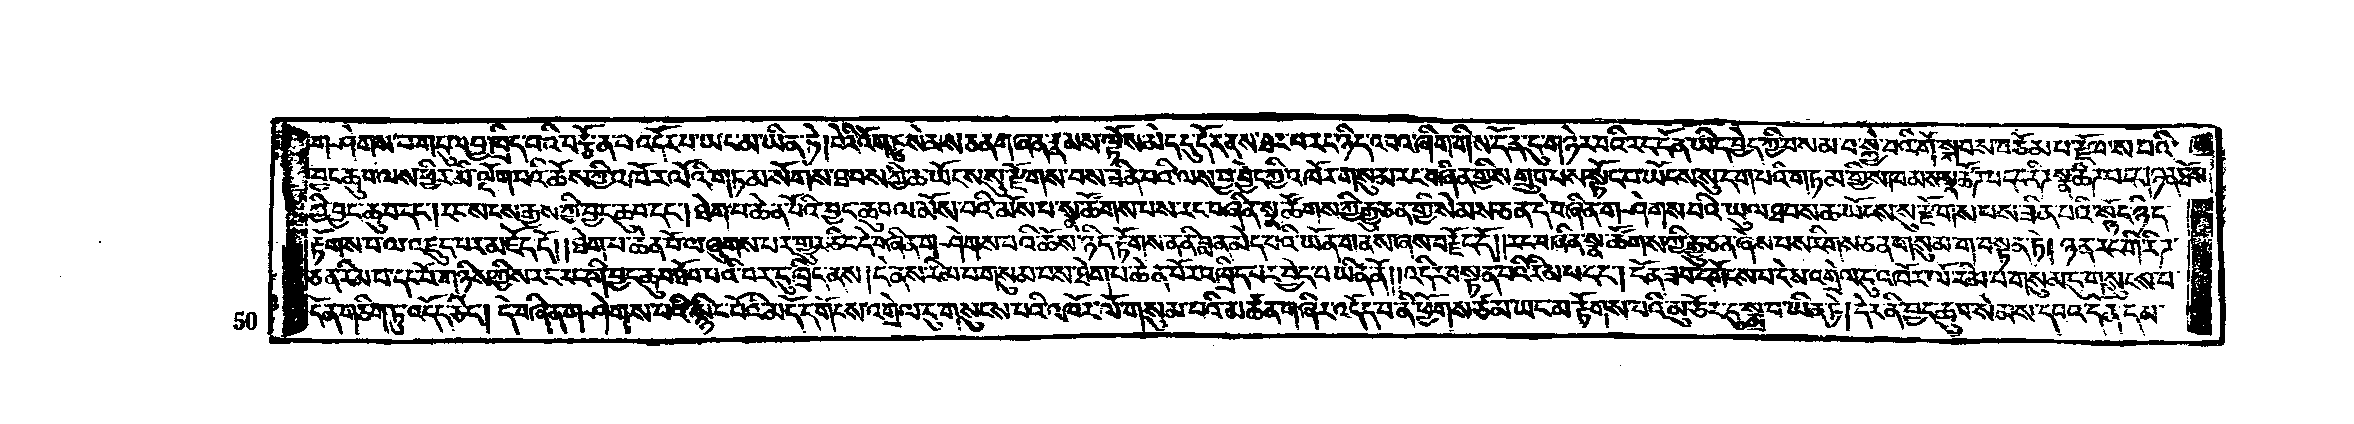གཤེགས་པ་གདུལ་བྱ་ཁྲིད་པའི་བརྩོན་པ་འདོར་པ་ཡང་མ་ཡིན་ཏེ། བེའི་འོག་ཏུ་སེམས་ཅན་གཞན་རྣམས་ལྟོས་མེད་དུ་དོར་ནས་ཐར་པ་རང་ཉིད་འབའ་ཞིག་གིས་དོན་དུ་གཉེར་བའི་རང་དོན་ཡིད་བྱེད་ཀྱི་བསམ་པ་སྐྱེ་བའི་གོ་སྐབས་བཅོམ་པ་རྫོགས་པའི་
བྱང་ཆུབ་ལས་ཕྱིར་མི་ལྡོག་པའི་ཆོས་ཀྱི་འཁོར་ལོའི་གཏམ་སོགས་ཐབས་ཀྱི་ཆ་ཡོངས་སུ་རྫོགས་པས་ཟིན་པའི་ལས་བྱ་བྱེད་ཀྱི་འཁོར་གསུམ་རང་བཞིན་གྱིས་གྲུབ་པས་སྟོང་པ་ཡོངས་སུ་དག་པའི་གཏམ་གྱིས་ཁམས་སྣ་ཚོགས་པ་དང་རིགས་སྣ་ཚོགས་པ་དང་། ཉན་ཐོས་
ཀྱི་བྱང་ཆུབ་དང་། རང་སངས་རྒྱས་ཀྱི་བྱང་ཆུབ་དང་། ཐེག་པ་ཆེན་པོའི་བྱང་ཆུབ་ལ་མོས་པའི་མོས་པ་སྣ་ཚོགས་པས་རང་བཞིན་སྣ་ཚོགས་ཀྱི་རྒྱུ་ཅན་གྱི་སེམས་ཅན་དེ་བཞིན་གཤེགས་པའི་ཡུལ་ཐབས་ཆ་ཡོངས་སུ་རྫོགས་པས་ཟིན་པའི་སྟོང་ཉིད་
རྟོགས་པ་ལ་འཛུད་པར་མཛོད་དོ། །ཐེག་པ་ཆེན་པོ་ལ་ཞུགས་པར་གྱུར་ཅིང་དེ་བཞིན་གཤེགས་པའི་ཆོས་ཉིད་རྟོགས་ན་ནི་བླ་ན་མེད་པའི་ཡོན་གནས་ཞེས་བརྗོད་དོ། །རང་བཞིན་སྣ་ཚོགས་ཀྱི་རྒྱུ་ཅན་ཞེས་པས་རིགས་ཅན་གསུམ་ག་བསྟན་ཏེ། ཉན་རང་གི་རིགས་
ཅན་རིམ་པ་དང་པོ་གཉིས་ཀྱིས་རང་རང་གི་བྱང་ཆུབ་ཐོབ་པའི་བར་དུ་ཁྲིད་ནས། དེ་ནས་རིམ་པ་གསུམ་པས་ཐེག་པ་ཆེན་པོར་འཁྲིད་པར་བྱེད་པ་ཡིན་ནོ། །འདིར་བསྟན་པའི་རིམ་པ་དང་། དོན་ཟབ་དགོངས་པ་ངེས་འགྲེལ་དུ་འཁོར་ལོ་རིམ་པ་གསུམ་དུ་གསུངས་པ་
དོན་གཅིག་ཏུ་འདོད་ཅིང་། དེ་བཞིན་གཤེགས་པའི་སྙིང་པོའི་མདོ་དགོངས་འགྲེལ་དུ་གསུངས་པའི་འཁོར་ལོ་གསུམ་པའི་མཚན་གཞིར་འདོད་པ་ནི་ཕྱོགས་ཙམ་ཡང་མ་རྟོགས་པའི་མུ་ཅོར་དུ་སྨྲ་བ་ཡིན་ཏེ། དེར་ནི་བྱང་ཆུབ་སེམས་དཔའ་དོན་དམ་